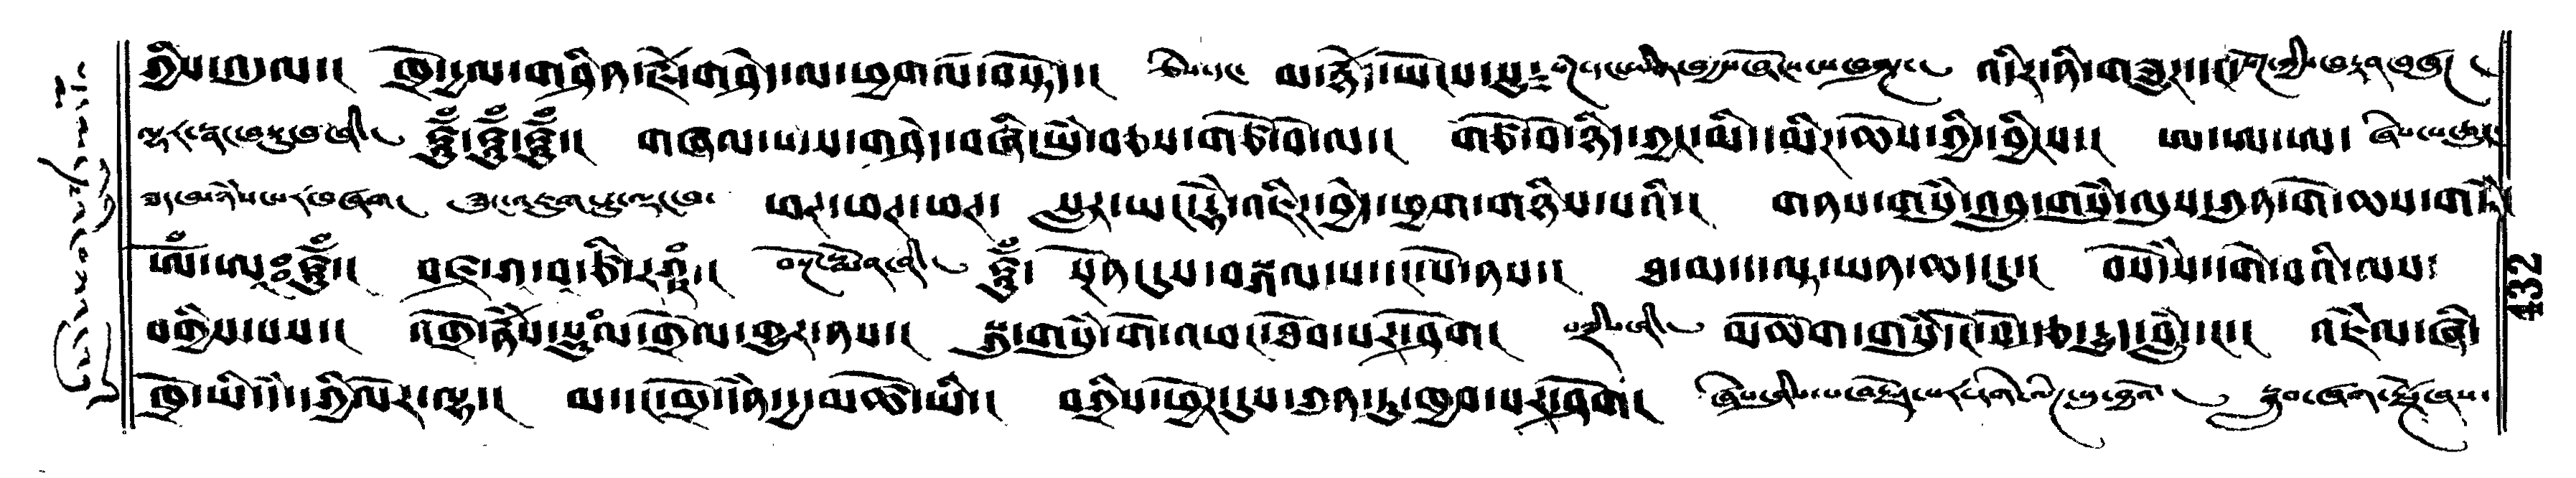ཀྱིས་འདུལ། །ཁྲོ་རྒྱལ་གཤིན་རྗེ་གཤེད་ལ་ཕྱག་འཚལ་བསྟོད། ། ཅེས་དང་། མ་རྙེད་ཡོངས་སུ༴ སོགས་དང་ཡིག་བརྒྱས་ནོངས་པ་བཤགས། །འདིར་ནི་གཟུགས་དང༴ སོགས་ཀྱིས་བརྟན་བཞུགས་
ལྷར་སྣང་བསྡུ་བ་ནི། ཧཱུྃ་ཧཱུྃ་ཧཱུྃ། གཞལ་ཡས་གཤེད་བཞི་ཡུམ་བཅས་གཙོ་བོ་ལ། །གཙོ་བོ་ཉིད་ཀྱང་མི་དམིགས་ཆོས་ཀྱི་དབྱིངས། །ཨ་ཨ་ཨ།ཞེས་པ་ཅུང་
ཟད་མཉམ་པར་གཞག ཟུང་འཇུག་ཏུ་ལྡང་བ། ཕཊཿཕཊཿཕཊཿ སླར་ཡང་རྡོ་རྗེ་འཇིགས་བྱེད་ཕྱག་གཉིས་པའི། །གནས་གསུམ་འབྲུ་གསུམ་ལུས་ཀུན་གོ་ཆས་གཏམས། །
ཨོཾ་ཨཱཿཧཱུྃ། བཛྲ་ཀཱ་བཱ་ཙི་རཀྵཾ། བསྔོ་སྨོན་ནི། ཧཱུྂ། སྔོན་དུས་བསྐལ་པ་དང་པོ་ནས། །ཐ་མ་ད་ལྟ་ཡན་ཆད་དུ། །བསོད་ནམས་དགེ་བའི་ལས་
བགྱིས་པས། །འགྲོ་རྣམས་སྡུག་བསྔལ་གྲོལ་གྱུར་ནས། །སྐུ་གསུམ་གོ་འཕང་ཐོབ་པར་ཤོག །བཀྲ་ཤིས་ནི། མཆོག་གསུམ་ངོ་བོ་རྩ་རྒྱུད་བླ་མ་དང་། །འཇམ་དཔལ་ཞི་
ཁྲོ་ཡི་དམ་དཀྱིལ་འཁོར་ལྷ། །མ་དང་མཁའ་འགྲོ་དམ་ཅན་རྒྱ་མཚོ་ཡི། །བཀྲ་ཤིས་ཕྱོགས་དུས་ཀུན་ཏུ་ཁྱབ་པར་ཤོག ། ཞེས་ཤིས་པ་བརྗོད་ནས་དགེ་ལེགས་སུ་བྱའོ། སྒྲུབ་ཞག་རྫོགས་ནས་